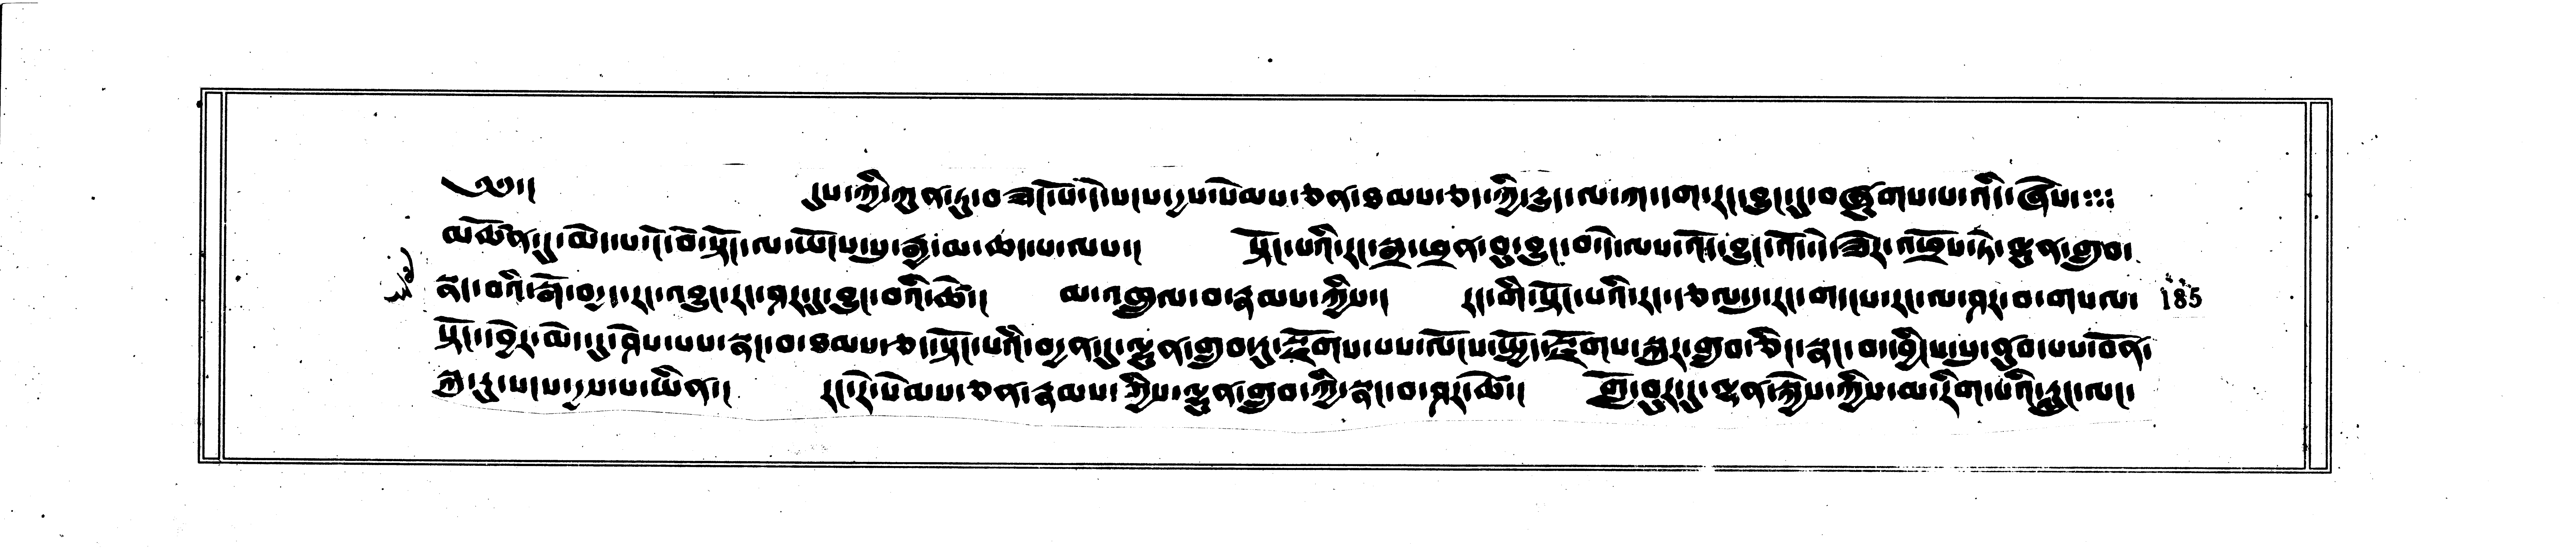དུས་ཀྱི་ཀུན་ཏུ་བཟང་པོ་དེ་སངས་རྒྱས་སེམས་ཅན་ཐམས་ཅད་ཀྱི་རྒྱུད་ལ་ཀ་དག་རང་བྱུང་དུ་བཞུགས་པ། འདི་ཞེས་
མཚོན་དུ་མེད་པ་ངོ་བོ་སྟོང་ལ་ཡོངས་སུ་རྒྱ་མ་ཆད་པ་ལས། སྟོང་པའི་རང་སྒྲ་ཕྲན་བུ་བྱུང་བ་དེ་ལས་འོད་བྱུང་། འོད་དེ་ཟེར་འཕྲོས་ཏེ་ལྷུན་གྲུབ་
སྣང་བའི་སྒོ་བརྒྱད་རང་འབྱུང་རང་ཤར་དུ་བྱུང་བའི་ཚེ། མ་འཁྲུལ་པ་རྣམས་ཀྱིས། རང་གི་སྟོང་པའི་རང་རྩལ་དུ་རང་གདངས་རང་ལ་ཤར་བ་གསལ་
སྟོང་དབྱེར་མེད་དུ་ཤེས་པས་སྣང་བ་ཐམས་ཅད་སྟོང་པའི་རྒྱན་དུ་ལྷུན་གྲུབ་ཏུ་རྫོགས་པས་ལོངས་སྤྱོད་རྫོགས་སྐུར་གྲུབ་ཅིང་སྣང་བ་དབྱིངས་སུ་ནུབ་པས་བོན་
སྐུ་རུ་སངས་རྒྱས་པ་ཡིན། །རང་རེ་སེམས་ཅན་རྣམས་ཀྱིས་ལྷུན་གྲུབ་ཀྱི་སྣང་བ་ཤར་ཚེ། གློ་བུར་དུ་ལྷན་སྐྱེས་ཀྱི་མ་རིག་པའི་རླུང་ལང་